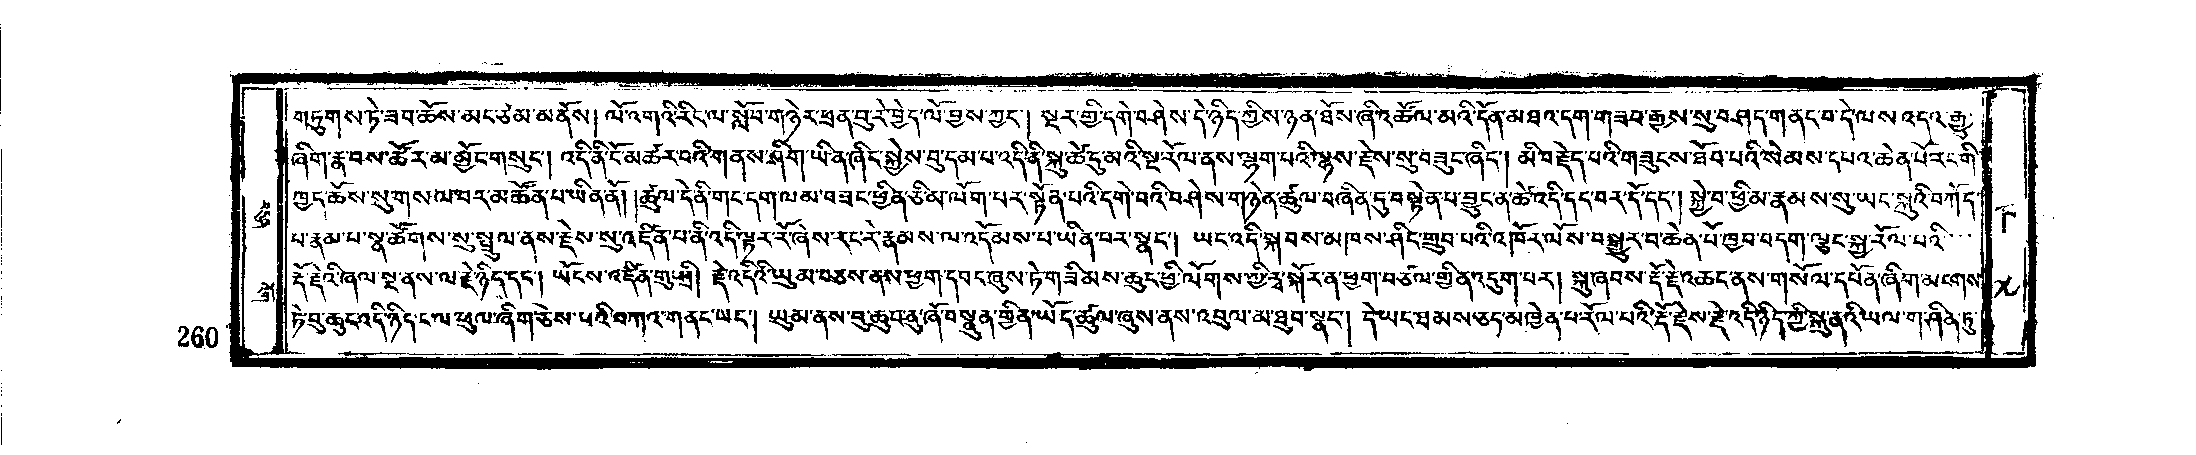གཏུགས་ཏེ་ཟབ་ཆོས་མང་ཙམ་མནོས། ལོ་འགའི་རིང་ལ་སློབ་གཉེར་ཕྲན་བུ་རེ་བྱེད་ལོ་བྱས་ཀྱང་། སྔར་གྱི་དགེ་བཤེས་དེ་ཉིད་ཀྱིས་ཉན་ཐོས་ཞི་འཚོལ་མའི་དོན་མཐའ་དག་གཟབ་རྒྱས་སུ་བཤད་གནང་བ་དེ་ལས་འདའ་རྒྱུ་
ཞིག་རྣ་བས་ཚོར་མ་མྱོང་གསུང་། འདི་ནི་ངོ་མཚར་བའི་གནས་ཤིག་ཡིན་ཞིང་སྐྱེས་བུ་དམ་པ་འདི་ནི་སྐུ་ཚེ་དུ་མའི་སྔ་རོལ་ནས་ལྷག་པའི་ལྷས་རྗེས་སུ་བཟུང་ཞིང་། མི་བརྗེད་པའི་གཟུངས་ཐོབ་པའི་སེམས་དཔའ་ཆེན་པོ་རང་གི་
ཁྱད་ཆོས་སུ་གསལ་བར་མཚོན་པ་ཡིན་ནོ། །ཚུལ་དེ་ནི་གང་དག་ལམ་བཟང་ཕྱིན་ཅི་མ་ལོག་པར་སྟོན་པའི་དགེ་བའི་བཤེས་གཉེན་ཚུལ་བཞིན་དུ་བསྟེན་པ་བྱུང་ན་ཚེ་འདི་དང་བར་དོ་དང་། སྐྱེ་བ་ཕྱི་མ་རྣམས་སུ་ཡང་སྐུའི་བཀོད་
པ་རྣམ་པ་སྣ་ཚོགས་སུ་སྤྲུལ་ནས་རྗེས་སུ་འཛིན་པ་ནི་འདི་ལྟར་རོ་ཞེས་རང་རེ་རྣམས་ལ་འདོམས་པ་ཡིན་པར་སྣང་། ཡང་འདི་སྐབས་མཁས་ཤིང་གྲུབ་པའི་འཁོར་ལོས་བསྒྱུར་བ་ཆེན་པོ་ཁྱབ་བདག་ལྕང་སྐྱ་རོལ་པའི་
རྡོ་རྗེའི་ཞལ་སྔ་ནས་ལ་རྗེ་ཉིད་དང་། ཡོངས་འཛིན་གུ་ཤྲི། རྗེ་འདིའི་ཡུམ་བཅས་ནས་ཕྱག་དབང་ཞུས་ཏེ་གཟིམས་ཆུང་ཕྱི་ལོགས་ཀྱི་རྭ་སྐོར་ན་ཕྱག་བཙལ་གྱིན་འདུག་པར། སྐུ་ཞབས་རྡོ་རྗེ་འཆང་ནས་གསོལ་དཔོན་ཞིག་མངགས་
ཏེ་བུ་ཆུང་འདི་ཉིད་ང་ལ་ཕུལ་ཞིག་ཅེས་པའི་བཀའ་གནང་ཡང་། ཡུམ་ནས་བུ་ཆུབ་ནུ་ཞོ་བསྣུན་གྱིན་ཡོད་ཚུལ་ཞུས་ནས་འབུལ་མ་ཐུབ་སྣང་། དེ་ཡང་ཐམས་ཅད་མཁྱེན་པ་རོལ་པའི་རྡོ་རྗེས་རྗེ་འདི་ཉིད་ཀྱི་སྐུ་ནའི་ཡལ་ག་ཤིན་ཏུ་